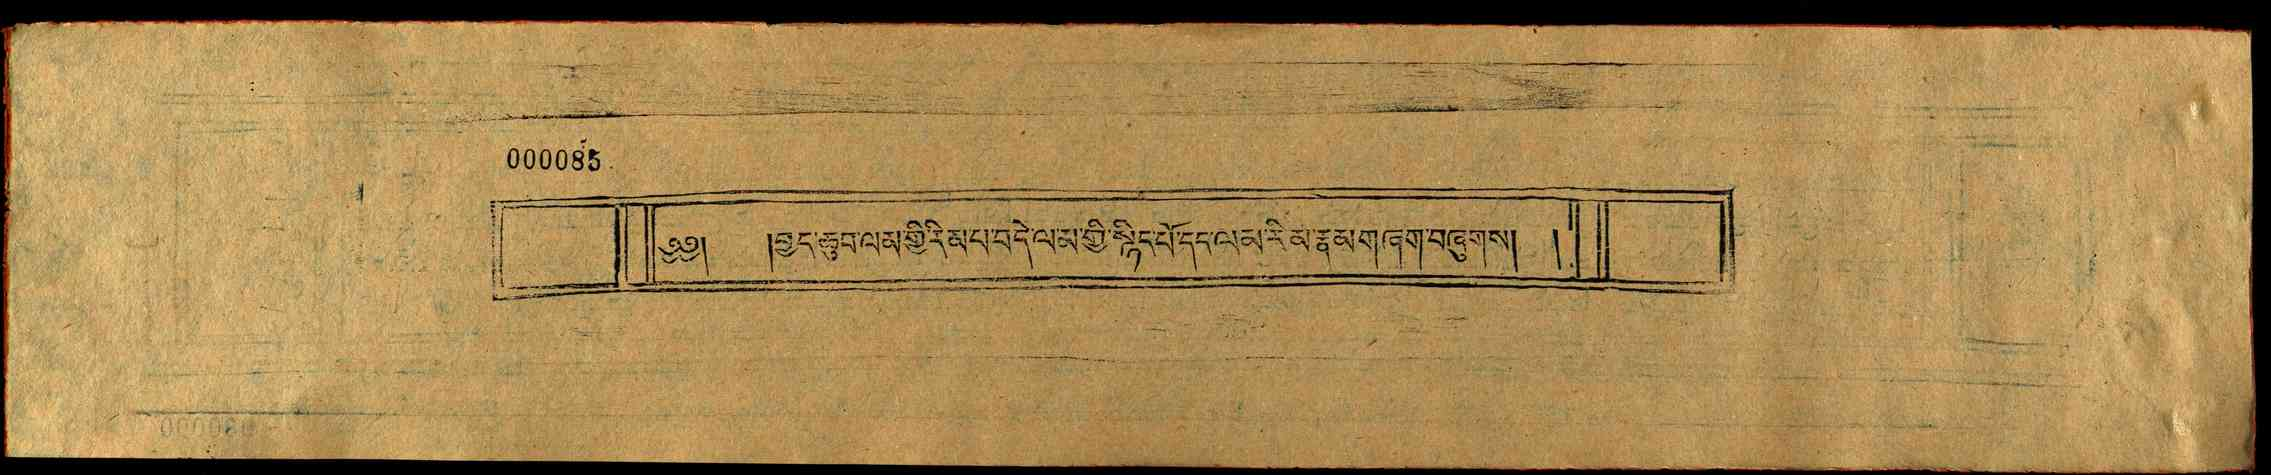༄༅། །བྱང་ཆུབ་ལམ་གྱི་རིམ་པ་བདེ་ལམ་གྱི་སྙིང་པོ་དང་ལམ་རིམ་རྣམ་གཞག་བཞུགས། །